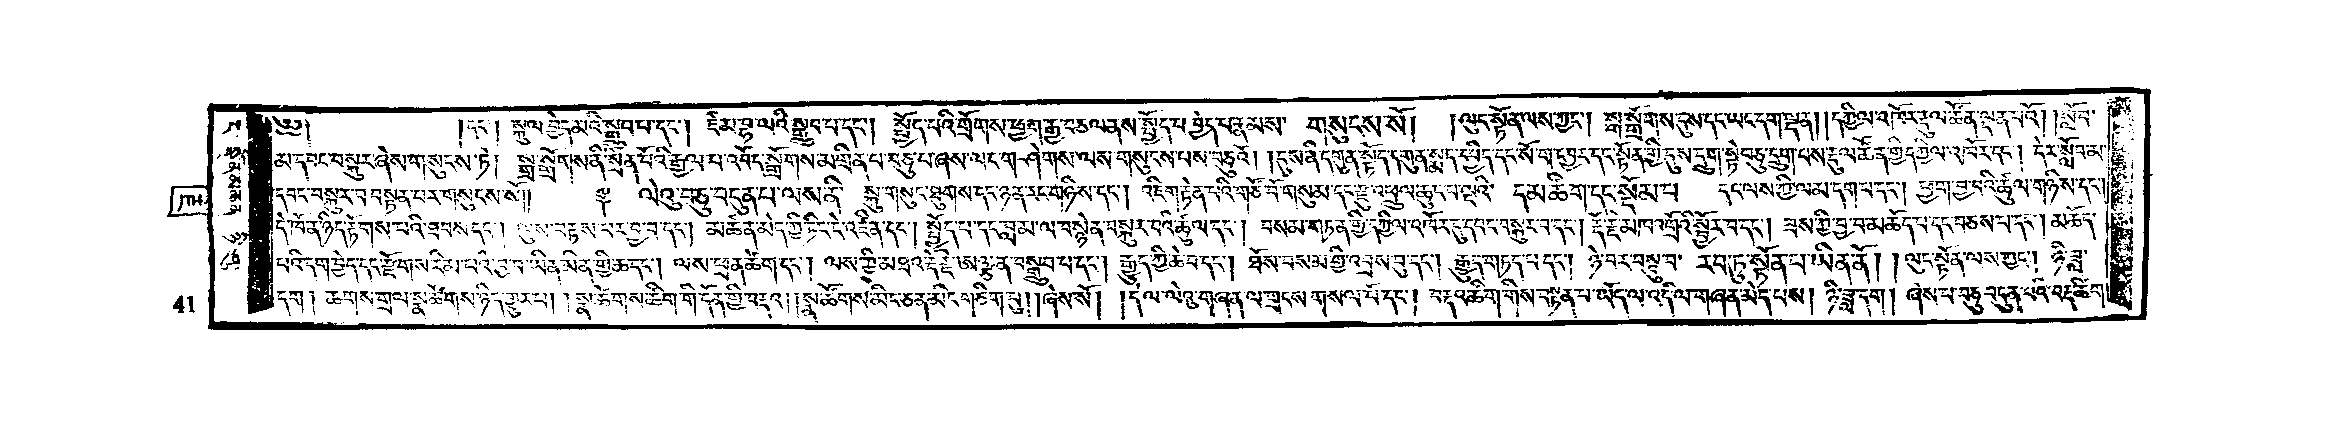༄༅། །དང་། སྐུལ་བྱེད་མའི་སྒྲུབ་པ་དང་། ཛམ་བྷ་ལའི་སྒྲུབ་པ་དང་། སྤྱོད་པའི་གྲོགས་ཕྱག་རྒྱ་བཙལ་ནས་སྤྱོད་པ་བྱེད་པ་རྣམས་གསུངས་སོ། །ལུང་སྟོན་ལས་ཀྱང་། སྒྲ་སྒྲོགས་དུས་དང་ཡང་དག་ལྡན། །དཀྱིལ་འཁོར་རྡུལ་ཚོན་ལྡན་པའོ། །སློབ་
མ་དབང་བསྐུར་ཞེས་གསུངས་ཏེ། སྒྲ་སྒྲོགས་ནི་སྲིན་པོའི་རྒྱལ་བ་འབོད་སྒྲོགས་མགྲིན་པ་བཅུ་པ་ཞེས་ལང་གཤེགས་ལས་གསུངས་པས་བཅུའོ། །དུས་ནི་དགུན་སྟོད་དགུ་ན་སྨད་དཔྱིད་དང་སོ་ག་དབྱར་དང་སྟོན་གྱི་དུས་དྲུག་སྟེ་བཅུ་དྲུག་པས་རྡུལ་ཚོན་གྱི་དཀྱིལ་འཁོར་དང་། དེར་སློབ་མ་
དབང་བསྐུར་བ་བསྟན་པར་གསུངས་སོ།། ༈ ལེའུ་བཅུ་བདུན་པ་ལས་ནི་སྐུ་གསུང་ཐུགས་དང་ཉན་རང་གཉིས་དང་། འཇིག་རྟེན་པའི་གཙོ་བོ་གསུམ་དང་རྫུ་འཕྲུལ་ཆུང་པ་ལྔའི་དམ་ཚིག་དང་སྡོམ་པ་དང་ལས་ཀྱི་ལམ་དག་པ་དང་། ཕྱག་བྱ་བའི་ཚུལ་གཉིས་དང་།
དེ་ཁོ་ན་ཉིད་རྟོགས་པའི་ཐབས་དང་། ལུས་བརྟས་པར་བྱ་བ་དང་། མཚན་མེད་ཀྱི་ཏིང་ངེ་འཛིན་དང་། སྤྱོད་པ་དང་བླ་མ་ལ་བསྙེན་བསྐུར་བའི་ཚུལ་དང་། བསམ་གཏན་གྱི་དཀྱིལ་འཁོར་དུ་དབང་བསྐུར་བ་དང་། རྡོ་རྗེ་མཁའ་འགྲོའི་སྦྱོར་བ་དང་། ཟས་ཀྱི་བྱ་བ་མཆོད་པ་དང་བཅས་པ་དང་། མཆོད་
པའི་དག་བྱེད་དང་རྫོགས་རིམ་པའི་བྱ་བ་ཡིན་མིན་གྱི་ཆ་དང་། ལས་ཕྲན་ཚེག་དང་། ལས་ཀྱི་མཐའ་རྡོ་རྗེ་ཨཉྩ་ན་བསྒྲུབ་པ་དང་། རྒྱུད་ཀྱི་ཆེ་བ་དང་། ཐོས་བསམ་གྱི་འབྲས་བུ་དང་། རྒྱུད་གཏད་པ་དང་། ཉེ་བར་བསྡུ་བ་རབ་ཏུ་སྟོན་པ་ཡིན་ནོ། །ལུང་སྟོན་ལས་ཀྱང་། ཉི་ཟླ་
དག །ཆགས་གྲལ་སྣ་ཚོགས་ཉིད་གྱུར་པ། །སྣ་ཚོགས་ཚིག་གི་དོན་གྱི་བརྡའ། །སྣ་ཚོགས་མིང་ཅན་མིང་གཅིག་པུ། །ཞེས་སོ། །དེ་ལ་ལེའུ་གཞན་ལ་གྲངས་གསལ་པོ་དང་། བརྡའ་ཚིག་གིས་བསྟན་པ་ཡོད་ལ་འདི་ལ་གཞན་མེད་པས། ཉི་ཟླ་དག །ཞེས་པ་བཅུ་བདུན་པའི་བརྡ་ཚིག་